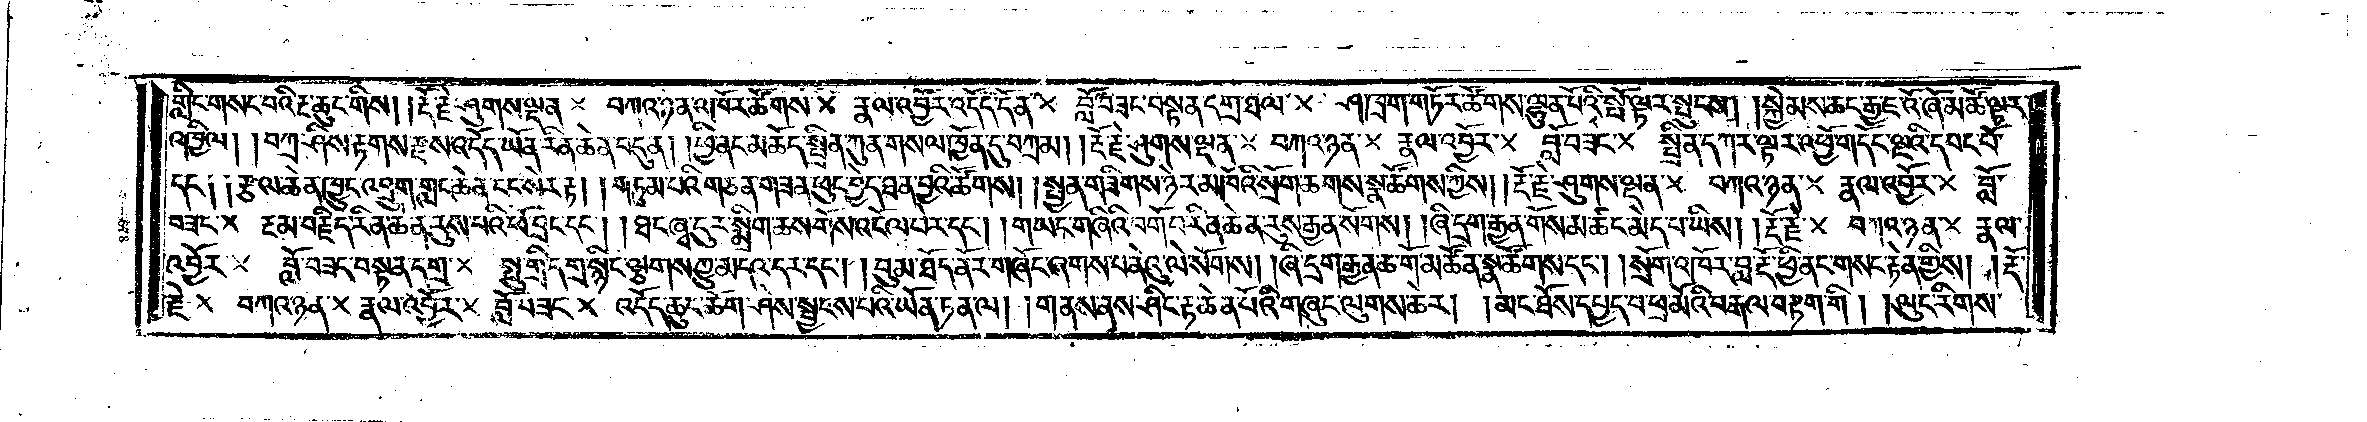གླིང་གསང་བའི་རྔ་ཆུང་གིས། །རྡོ་རྗེ་ཤུགས་ལྡན་྾་བཀའ་ཉན་འཁོར་ཚོགས་྾་རྣལ་འབྱོར་འདོད་དོན་྾་བློ་བཟང་བསྟན་དགྲ་ཐལ་྾་ཤ་ཁྲག་གཏོར་ཚོགས་ལྷུན་པོའི་སྤོ་ལྟར་སྤུངས། །སྐྱེམས་ཆད་རྒྱ་ངའོ་ཞ་མཚོ་ལྟར་
འཁྱིལ། །བཀྲ་ཤིས་རྟགས་རྫས་འདོད་ཡོན་རིན་ཆེན་བདུན། །ཕྱི་ནང་མཆོད་སྤྲིན་ཀུན་གསལ་ཁྱོན་དུ་བཀྲམ། །རྡོ་རྗེ་ཤུགས་ལྡན་྾་བཀའ་ཉན་྾་རྣལ་འབྱོར་྾་བློ་བཟང་྾་སྤྲིན་དཀར་ལྟར་འཕྱོ་གདོང་ལྔའི་དབང་པོ་
དང༑ ༑རྩལ་ཆེན་ཁྱུང་འབྲུག་གླང་ཆེན་དང་སེར་རྟན། །གཏུམ་པའི་གཅན་གཞན་ཕུང་བྱེད་ཐན་བྱའི་ཚོགས། །སྤྱན་གཟིགས་ཉེར་མཁོའི་སྲོག་ཆགས་སྣ་ཚོགས་ཀྱིས། །རྡོ་རྗེ་ཤུགས་ལྡན་྾་བཀའ་ཉན྾་རྣལ་འབྱོར་྾་བློ་
བཟང་྾་རྔམ་བརྗིད་རིན་ཆེན་རུས་པའི་ཕོ་བྲང་དང་། །ཐང་ཞྭ་དུར་སྨྲིག་ཆས་གོས་འཇོལ་བེར་དང་། །གཡང་གཞིའི་བགོ་བ་རིན་ཆེན་རུས་རྒྱན་སོགས། །ཞི་དྲག་རྒྱན་གོས་མཚང་མེད་པ་ཡིས། །རྡོ་རྗེ་྾་བཀའ་ཉན་྾་རྣལ་
འབྱོར་྾་བློ་བཟང་བསྟན་དགྲ་྾་སྤུ་གྲི་དགྲ་སྙིང་ལྕགས་ཀྱུ་མདའ་དར་དང་། །བུམ་ཐོད་ནོར་གཞོང་ཞགས་པ་ནེའུ་ལེ་སོགས། །ཞི་དྲག་རྒྱན་ཆ་གོ་མཚོན་སྣ་ཚོགས་དང་། །སྲོག་འཁོར་བླ་རྡོ་ཕྱི་ནང་གསང་རྟེན་གྱིས། །རྡོ་
རྗེ྾་བཀའ་ཉན྾་རྣལ་འབྱོར྾་བློ་བཟང྾་འདོད་ཆུང་ཆོག་ཤེས་སྦྱངས་པའི་ཡོན་ཏན་ལ། །གནས་ནས་ཤིང་རྟ་ཆེན་པོའི་གཞུང་ལུགས་ཆེར། །མང་ཆོས་དཔྱད་པ་ཕྲ་མོའི་བརྒལ་བརྟག་གོ །ལུང་རིགས་